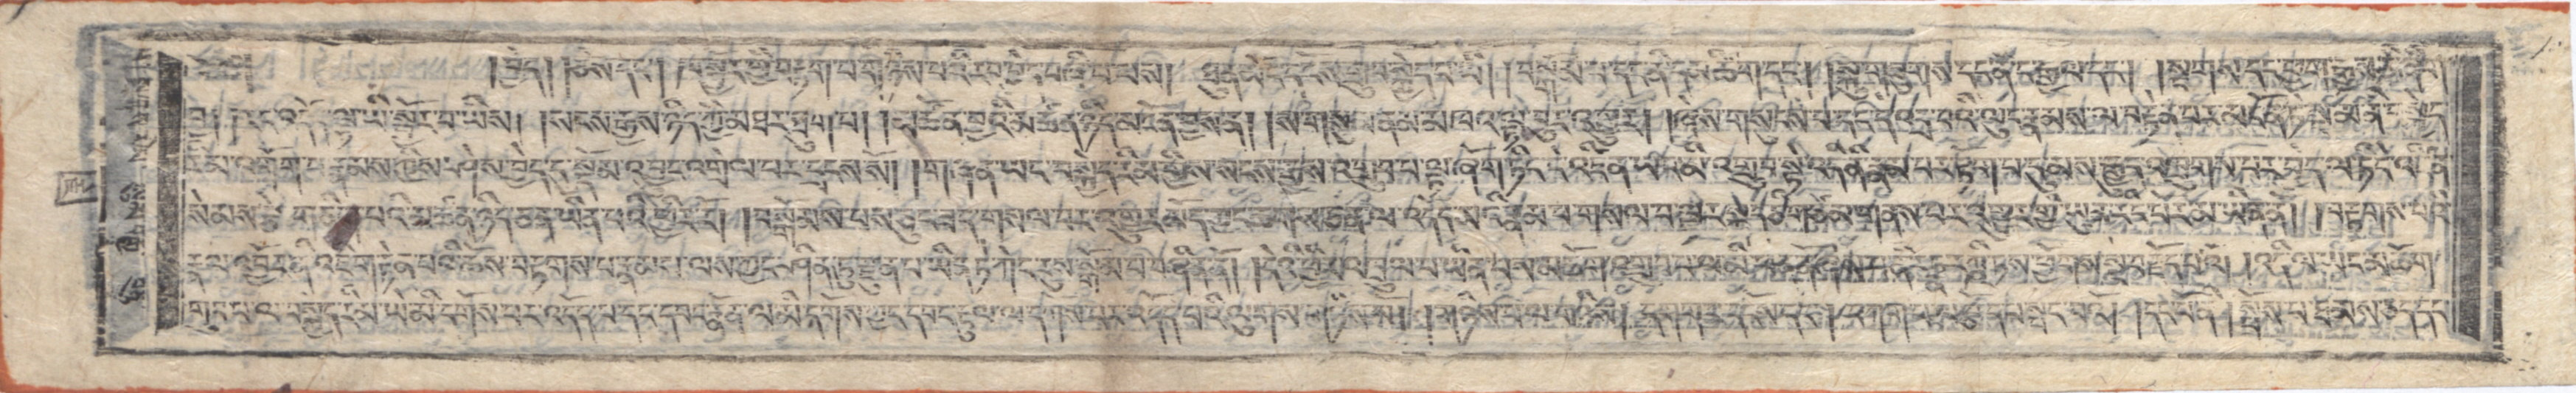༄༅། །བྱེད། །ཅེས་དང་། ཁ་སྐྱོར་གྱི་བརྟག་པ་གཉིས་པའི་རབ་བྱེད་བཞི་པ་ལས། ཐུན་མོང་དངོས་གྲུབ་སྐྱེད་པ་ཡི། །བསྒོམ་པ་དང་ནི་དམ་ཚིག་དང་། །སྐུ་གཟུགས་དང་ནི་ང་རྒྱལ་དང་། །སྔགས་དང་ཕྱག་རྒྱས་ཅི་ཞིག་
བྱ། །རང་འདོད་ལྷ་ཡི་སྦྱོར་བ་ཡིས། །སངས་རྒྱས་ཉིད་ཀྱི་མཐར་ཐུག་པ། །མཚོན་བྱའི་མཚན་ཉིད་མངོན་བྱས་ན། །ས་གསུམ་ནམ་མཁའ་ལྟ་བུར་འགྱུར། །ཞེས་གསུངས་པ་དང་དེ་འདྲ་བའི་ལུང་རྣམས་ལ་བརྟེན་པར་མངོན་ཏེ་སྔ་མ་ནི་བསྐྱེད་
རིམ་འགོག་པ་རྣམས་ཀྱིས་ཤེས་བྱེད་དུ་སྡོམ་འབྱུང་འགྲེལ་པར་དྲངས་སོ། །གཞན་ཡང་བསྐྱེད་རིམ་གྱིས་སངས་རྒྱས་འགྲུབ་པ་ལྟ་ཞོག་ཏིང་ངེ་འཛིན་ཡང་མི་འགྲུབ་སྟེ་འདི་ནི་རྣམ་པར་རྟོག་པ་དུ་མས་རྒྱུད་འཁྲུགས་པར་བྱེད་ལ་ཏིང་ངེ་འཛིན་
སེམས་རྩེ་གཅིག་པའི་མཚན་ཉིད་ཅན་ཡིན་པའི་ཕྱིར་རོ། །བསྒོམས་པས་ཅུང་ཟད་གསལ་བར་འགྱུར་མོད་ཀྱང་ཆགས་ཅན་ལ་འདོད་མའི་རྣམ་པ་གསལ་བ་ལྟར་སྐད་ཅིག་ཙམ་གནས་པར་འགྱུར་གྱི་ཡུན་རིང་པོར་མ་ཡིན་ནོ། །བརྟགས་པའི་
རྣལ་འབྱོར་ནི་འཇིག་རྟེན་པའི་ཆོས་བརྟགས་པ་རྣམས་ལས་ཀྱང་ཤིན་ཏུ་རྫུན་པ་ཡིན་ཏེ་ཀེང་རུས་སྒོམ་པ་བཞིན་ནོ། །དེའི་ཕྱིར་འཁྲུལ་པ་ཡིན་པས་མཆོག་འགྲུབ་པ་ལ་མི་ཕན་ནོ་ཞེས་པ་ནི་རཏྣ་རཀྵི་ཏས་ཕྱོགས་སྔ་བརྗོད་པའོ། །འདི་ལ་ཡང་མཆོག་
གྲུབ་པ་ལ་བསྐྱེད་རིམ་ཡེ་མི་དགོས་པར་འདོད་པ་དང་དབང་རྣོན་ལ་མི་དགོས་ཀྱང་དབང་རྟུལ་ལ་དགོས་པར་འདོད་པའི་ལུགས་གཉིས་སོ། །གཉིས་པ་ལ་གཉིས། དགག་པ་དངོས་དང་། བཀག་པ་ལ་རྩོད་པ་སྤང་བའོ། །དང་པོ་ནི། སྤྲོས་པ་ཐམས་ཅད་དང་